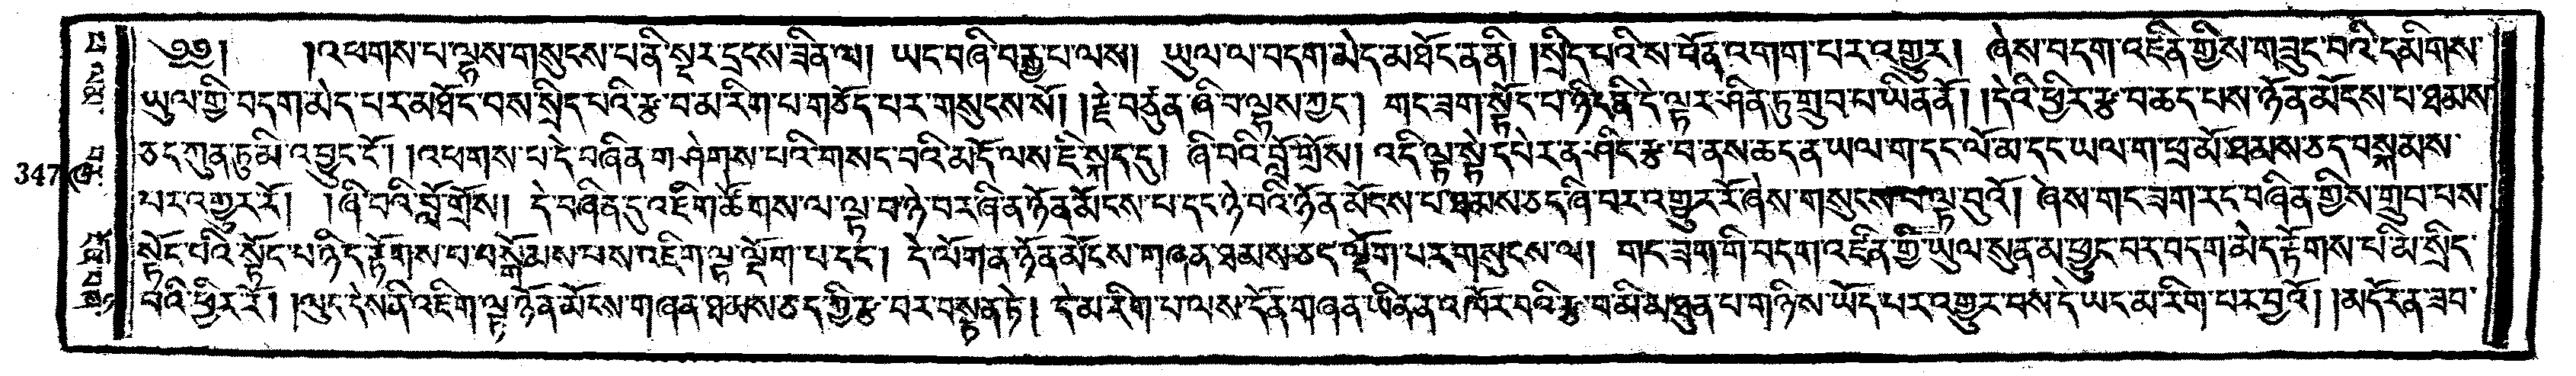། །འཕགས་པ་ལྷས་གསུངས་པ་ནི་སྔར་དྲངས་ཟིན་ལ། ཡང་བཞི་བརྒྱ་པ་ལས། ཡུལ་ལ་བདག་མེད་མཐོང་ན་ནི། །སྲིད་པའི་ས་བོན་འགག་པར་འགྱུར། ཞེས་བདག་འཛིན་གྱིས་གཟུང་བའི་དམིགས་
ཡུལ་གྱི་བདག་མེད་པར་མཐོང་བས་སྲིད་པའི་རྩ་བ་མ་རིག་པ་གཅོད་པར་གསུངས་སོ། །རྗེ་བཙུན་ཞི་བ་ལྷས་ཀྱང་། གང་ཟག་སྟོང་པ་ཉིད་ནི་དེ་ལྟར་ཤིན་ཏུ་གྲུབ་པ་ཡིན་ནོ། །དེའི་ཕྱིར་རྩ་བ་ཆད་པས་ཉོན་མོངས་པ་ཐམས་
ཅད་ཀུན་ཏུ་མི་འབྱུང་ངོ། །འཕགས་པ་དེ་བཞིན་གཤེགས་པའི་གསང་བའི་མདོ་ལས་ཇི་སྐད་དུ། ཞི་བའི་བློ་གྲོས། འདི་ལྟ་སྟེ་དཔེར་ན་ཤིང་རྩ་བ་ནས་ཆད་ན་ཡལ་ག་དང་ལོ་མ་དང་ཡལ་ག་ཕྲ་མོ་ཐམས་ཅད་བསྐམས་
པར་འགྱུར་རོ། །ཞི་བའི་བློ་གྲོས། དེ་བཞིན་དུ་འཇིག་ཚོགས་ལ་ལྟ་བ་ཉེ་བར་ཞི་ན་ཉོན་མོངས་པ་དང་ཉེ་བའི་ཉོན་མོངས་པ་ཐམས་ཅད་ཞི་བར་འགྱུར་རོ་ཞེས་གསུངས་པ་ལྟ་བུའོ། ཞེས་གང་ཟག་རང་བཞིན་གྱིས་གྲུབ་པས་
སྟོང་པའི་སྟོང་པ་ཉིད་རྟོགས་པ་བསྒོམས་པས་འཇིག་ལྟ་ལྡོག་པ་དང་། དེ་ལོག་ན་ཉོན་མོངས་གཞན་ཐམས་ཅད་ལྡོག་པར་གསུངས་ལ། གང་ཟག་གི་བདག་འཛིན་གྱི་ཡུལ་སུན་མ་ཕྱུང་བར་བདག་མེད་རྟོགས་པ་མི་སྲིད་
བའི་ཕྱིར་རོ། །ལུང་དེས་ནི་འཇིག་ལྟ་ཉོན་མོངས་གཞན་ཐམས་ཅད་ཀྱི་རྩ་བར་བསྟན་ཏེ། དེ་མ་རིག་པ་ལས་དོན་གཞན་ཡིན་ན་འཁོར་བའི་རྩ་བ་མི་མཐུན་པ་གཉིས་ཡོད་པར་འགྱུར་བས་དེ་ཡང་མ་རིག་པར་བྱའོ། །མདོར་ན་ཟབ་